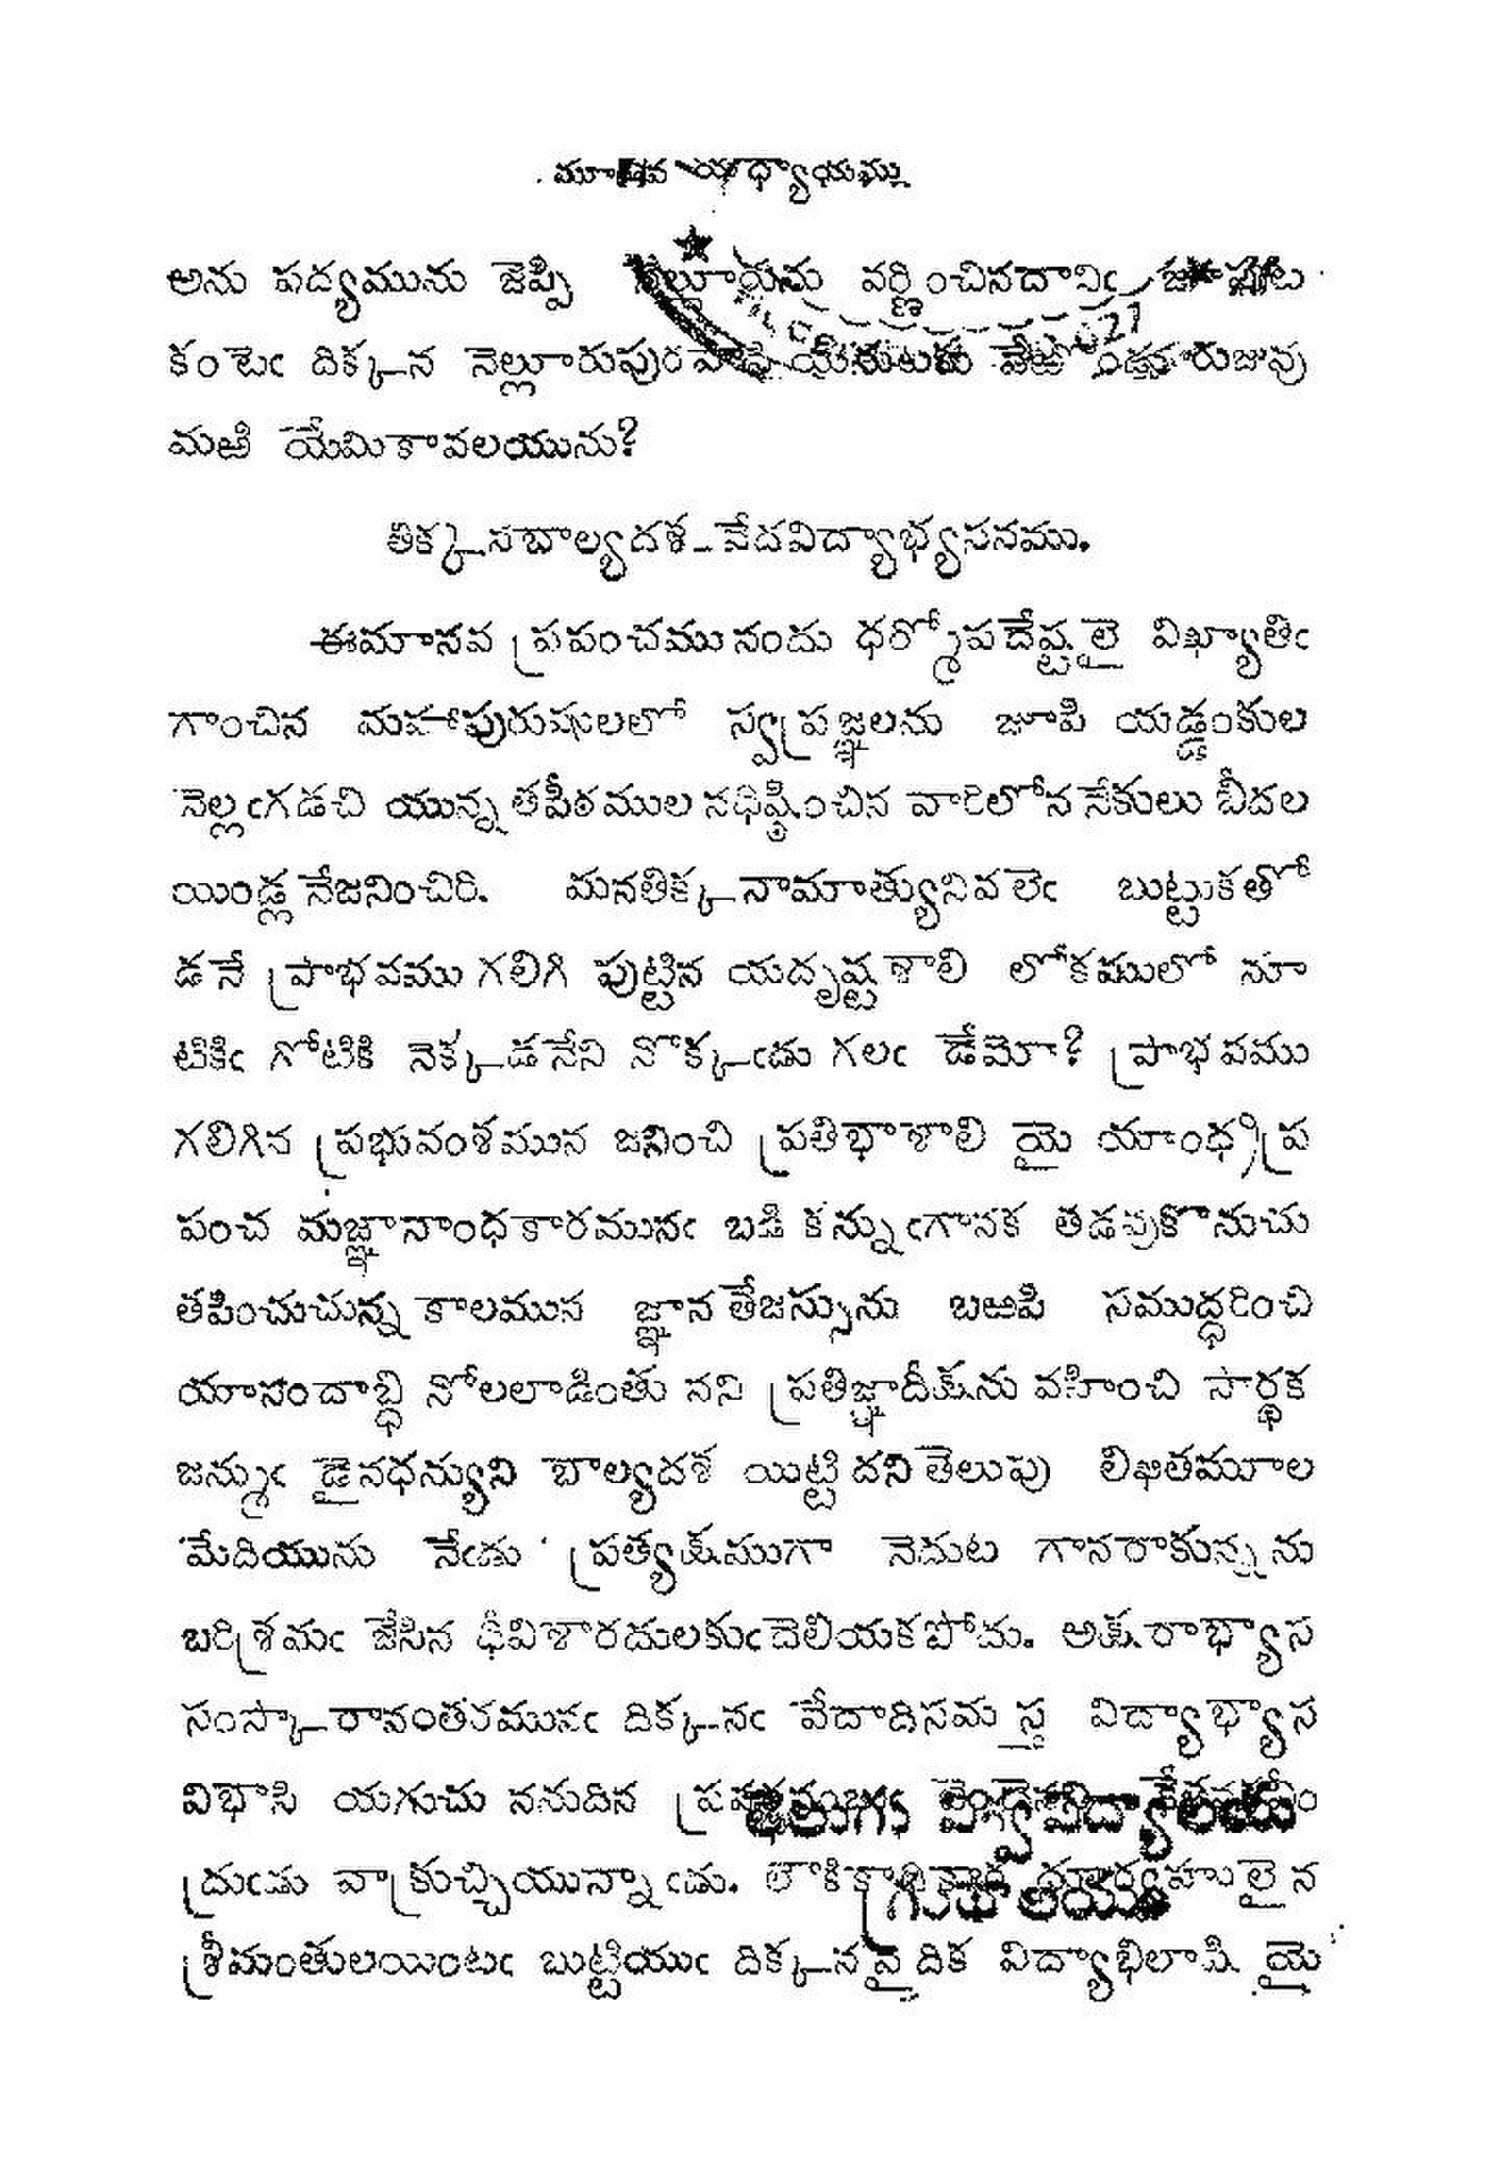అను పద్యమును జెప్పి నెల్లూరును వర్ణించినదానిఁ జూపుటకంటెఁ దిక్కన నెల్లూరుపురవాసి యనుటకు వేఱొండురుజువు మఱి యేమికావలయును?

తిక్కనబాల్యదశ. వేదవిద్యాభ్యసనము.

ఈమానవ ప్రపంచమునందు ధర్మోపదేష్టలై విఖ్యాతిఁగాంచిన మహాపురుషులలో స్వప్రజ్ఞలను జూపి యడ్డంకుల నెల్లఁగడచి యున్నతపీఠముల నధిష్టించిన వారిలోననేకులు బీదల
యిండ్లనేజనించిరి. మనతిక్కనామాత్యునివలేఁ బుట్టుకతోడనే ప్రాభవము గలిగి పుట్టిన యదృష్టశాలి లోకములో నూటికిఁ గోటికి నెక్కడనేని నొక్కఁడు గలఁ డేమో? ప్రాభవము గలిగిన ప్రభువంశమున జనించి ప్రతిభాశాలి యై యాంధ్రప్రపంచ మజ్ఞానాంధకారమునఁ బడి కన్నుఁగానక తడుపుకొనుచు తపించుచున్న కాలమున జ్ఞానతేజస్సును బఱపి సముద్దరించి యానందాబ్ధి నోలలాడింతు నని ప్రతిజ్ఞాదీక్షను వహించి సార్థక జన్ముఁ డైనధన్యుని బాల్యదశ యిట్టిదనితెలుపు లిఖితమూల మేదియును నేడు ప్రత్యక్షముగా నెదుట గానరాకున్నను బరిశ్రమఁ జేసిన ధీవిశారదులకుఁదెలియకపోదు. అక్షరాభ్యాస సంస్కారానంతరమునఁ దిక్కనఁ వేదాదిసమస్త విద్యాభ్యాస విభాసి యగుచు ననుదిన ప్రవర్థనంబుఁ జెందెనని కేతనకవీంద్రుఁడు వాక్రుచ్చియున్నాడు. లౌకికాధికార దూర్వహులైన శ్రీమంతులయింటఁ బుట్టియుఁ దిక్కనవైదిక విద్యాభిలాషి యై